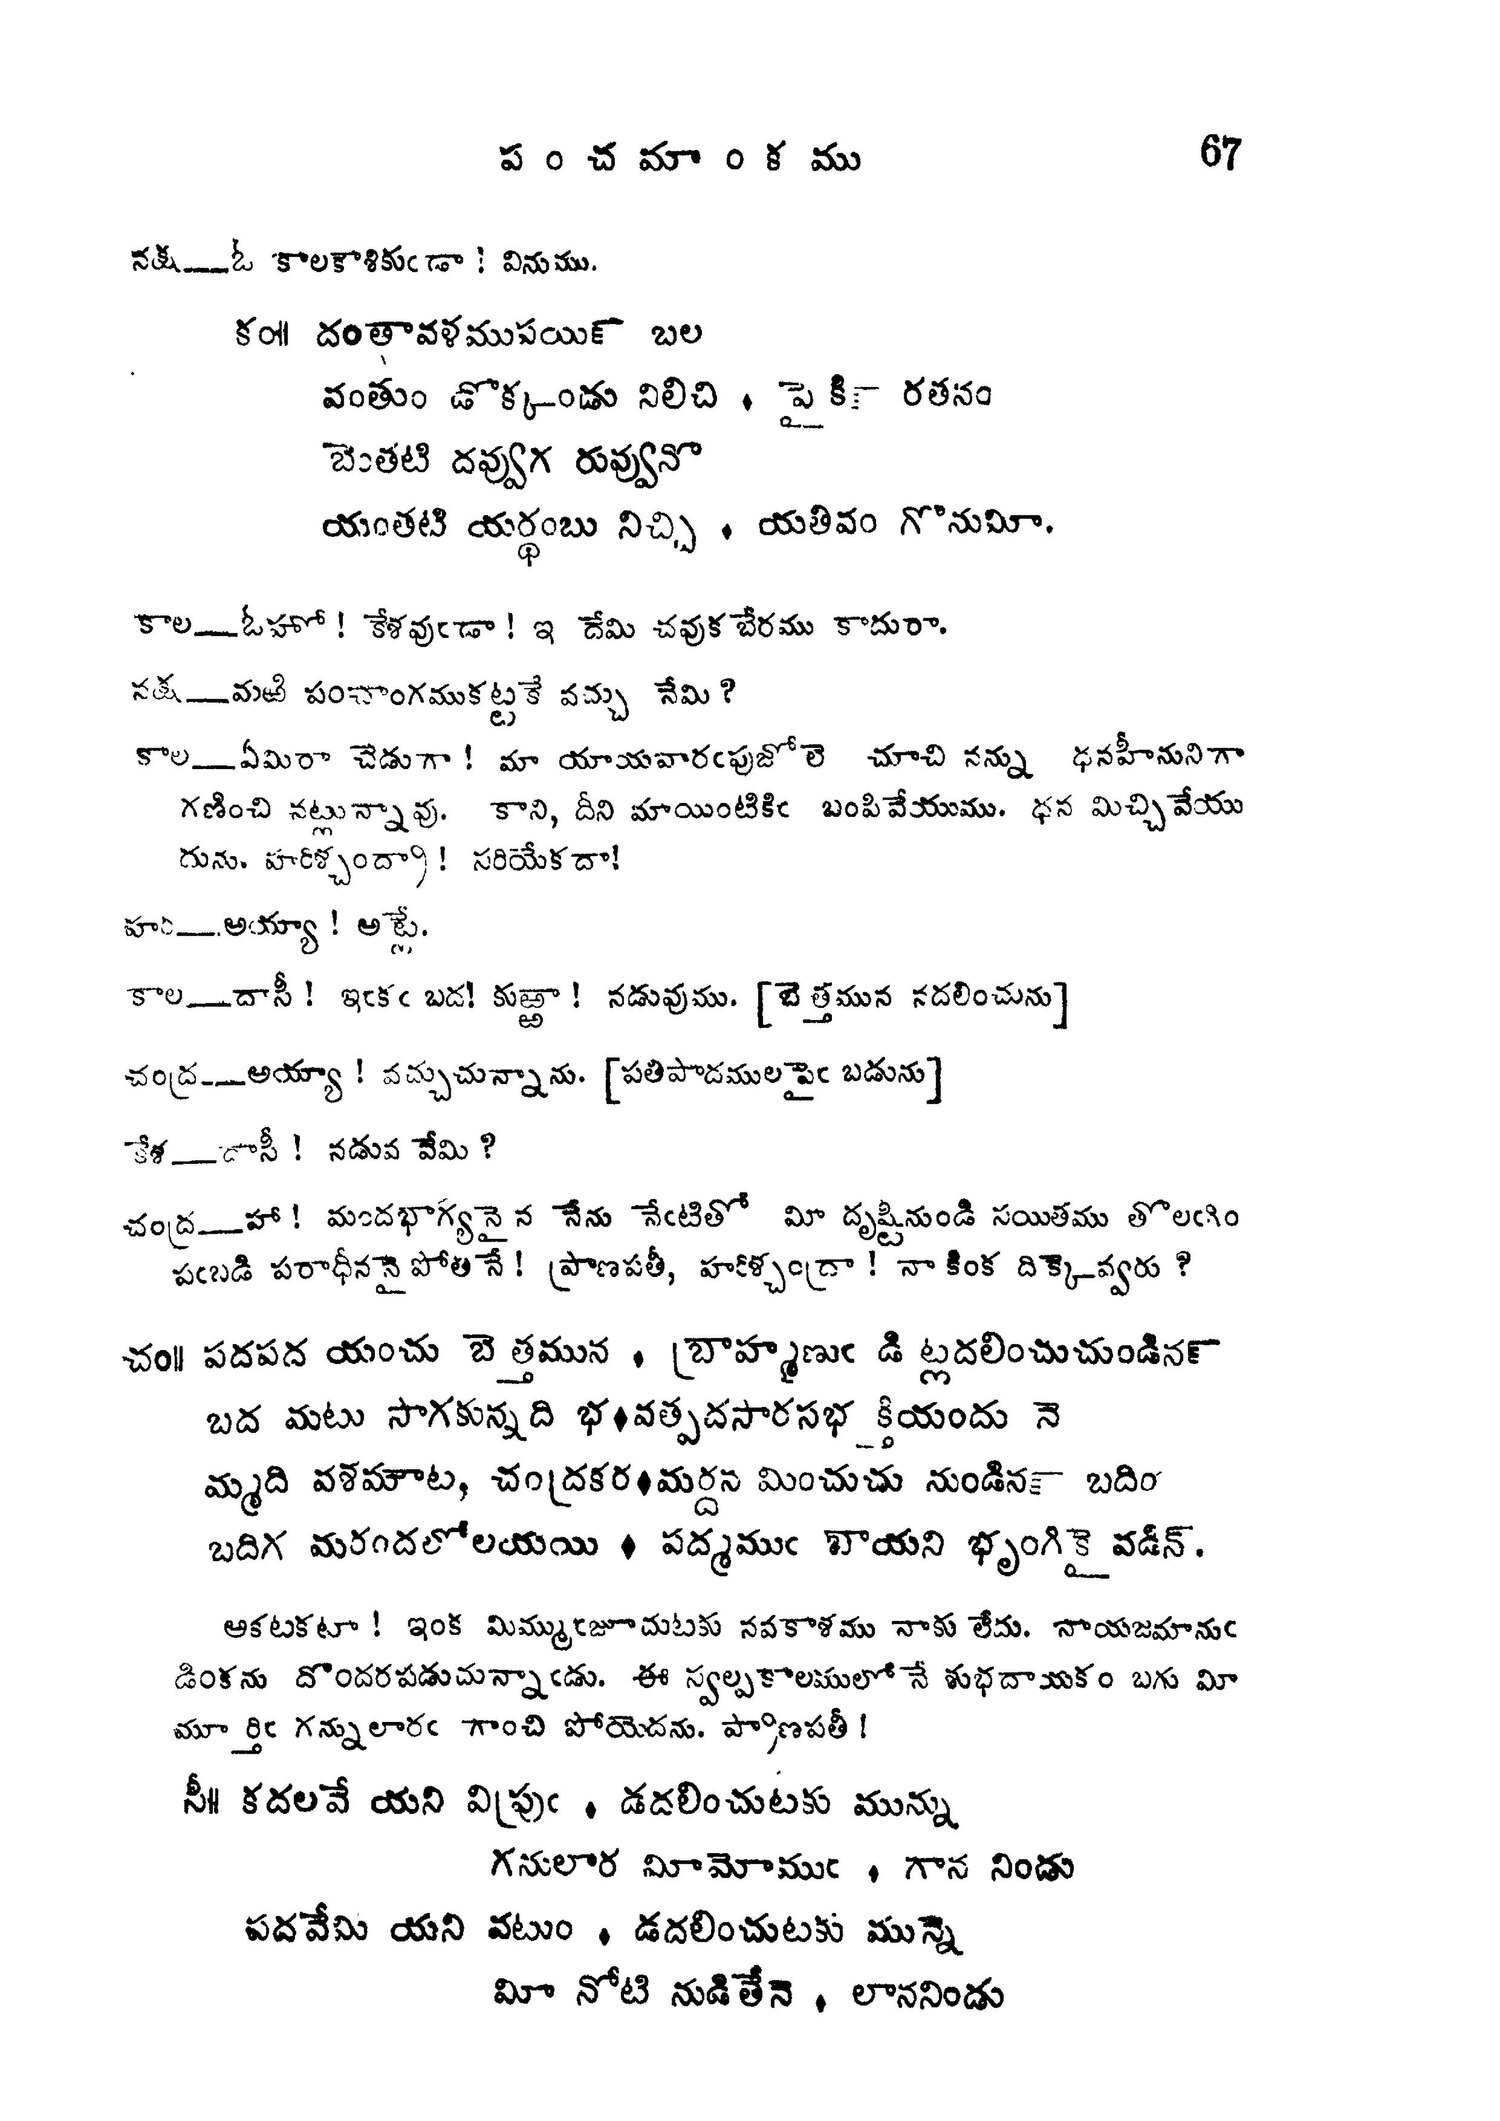నక్ష - 	ఓ కాలకౌశికుడా! వినుము.

క. 	దంతావళంబు పయి బల
వంతు డొక్కండు నిలిచి పైకిన్‌ రతనం
బెంతటి దవ్వుగ రువ్వునో
యంతటి యర్థంబు నిచ్చి యతివం గొనుమీ!

కాల - 	ఓహో! కేశవుడా! ఇదేమి చవుకబేరము గాదురా!

నక్ష - 	మఱి పంచాంగము కట్టకే వచ్చునేమి?

కాల - 	ఏమిరా చెడుగా! మాయాయవారపు జోలె చూచి నన్ను ధనహీనునిగా గణించుచున్నావు కాని, దీనిని మా యింటికి బంపి వేయుము. ధనమిచ్చి వేయుదను. హరిశ్చంద్రా! సరియేగదా!

హరి - 	అయ్యా! అట్లే.

కాల - 	దాసీ! ఇక బద. కుఱ్ఱా! నడువుము. (బెత్తమున నదలించుచు)

చంద్ర - 	అయ్యా! వచ్చుచున్నాను. (పతి పాదములపైఁ బడును)

కేశ - 	దాసీ! నడువమేమి?
చంద్ర - 	హా! మందభాగ్యనైన నేను నేటితో మీ దృష్టినుండి సయితము దొలగింపఁబడి పరాధీననై పోయితినే! ప్రాణపతీ! హరిశ్చంద్రా! నాకింక దిక్కెవరు?

చం. 	పదపద యంచు బెత్తమున బ్రాహ్మణుఁ డిట్లదలించు చుండినన్‌
బదమటు సాగకున్నది భవత్పద సారసభక్తి యందు నె
మ్మది వశమౌట, చంద్రకర మర్దన మందుచునుండినన్‌ బదిం
బదిగ మరందలోలయయి పద్మముఁ బాయని భృంగికైవడిన్‌.

అకటకటా! మిమ్ముఁ జూచు నవకాశము నాకు లేదు. నా యజమానుఁడింకను దొందరపడుచున్నాడు. ఈ స్వల్పకాలములోనే శుభదాయకం బగు మీమూర్తి గనులారఁ గాంచి పోయెదను. ప్రాణపతీ!

సీ. కదలవే యని విప్రుఁడదలించుటకు మున్ను 
 గనులార మీ మోముఁ గాననిండు
పదవేమి యని వటుండదలించుటకు మున్నె 
 మీ నోటి నుడి తేనె లాననిండు